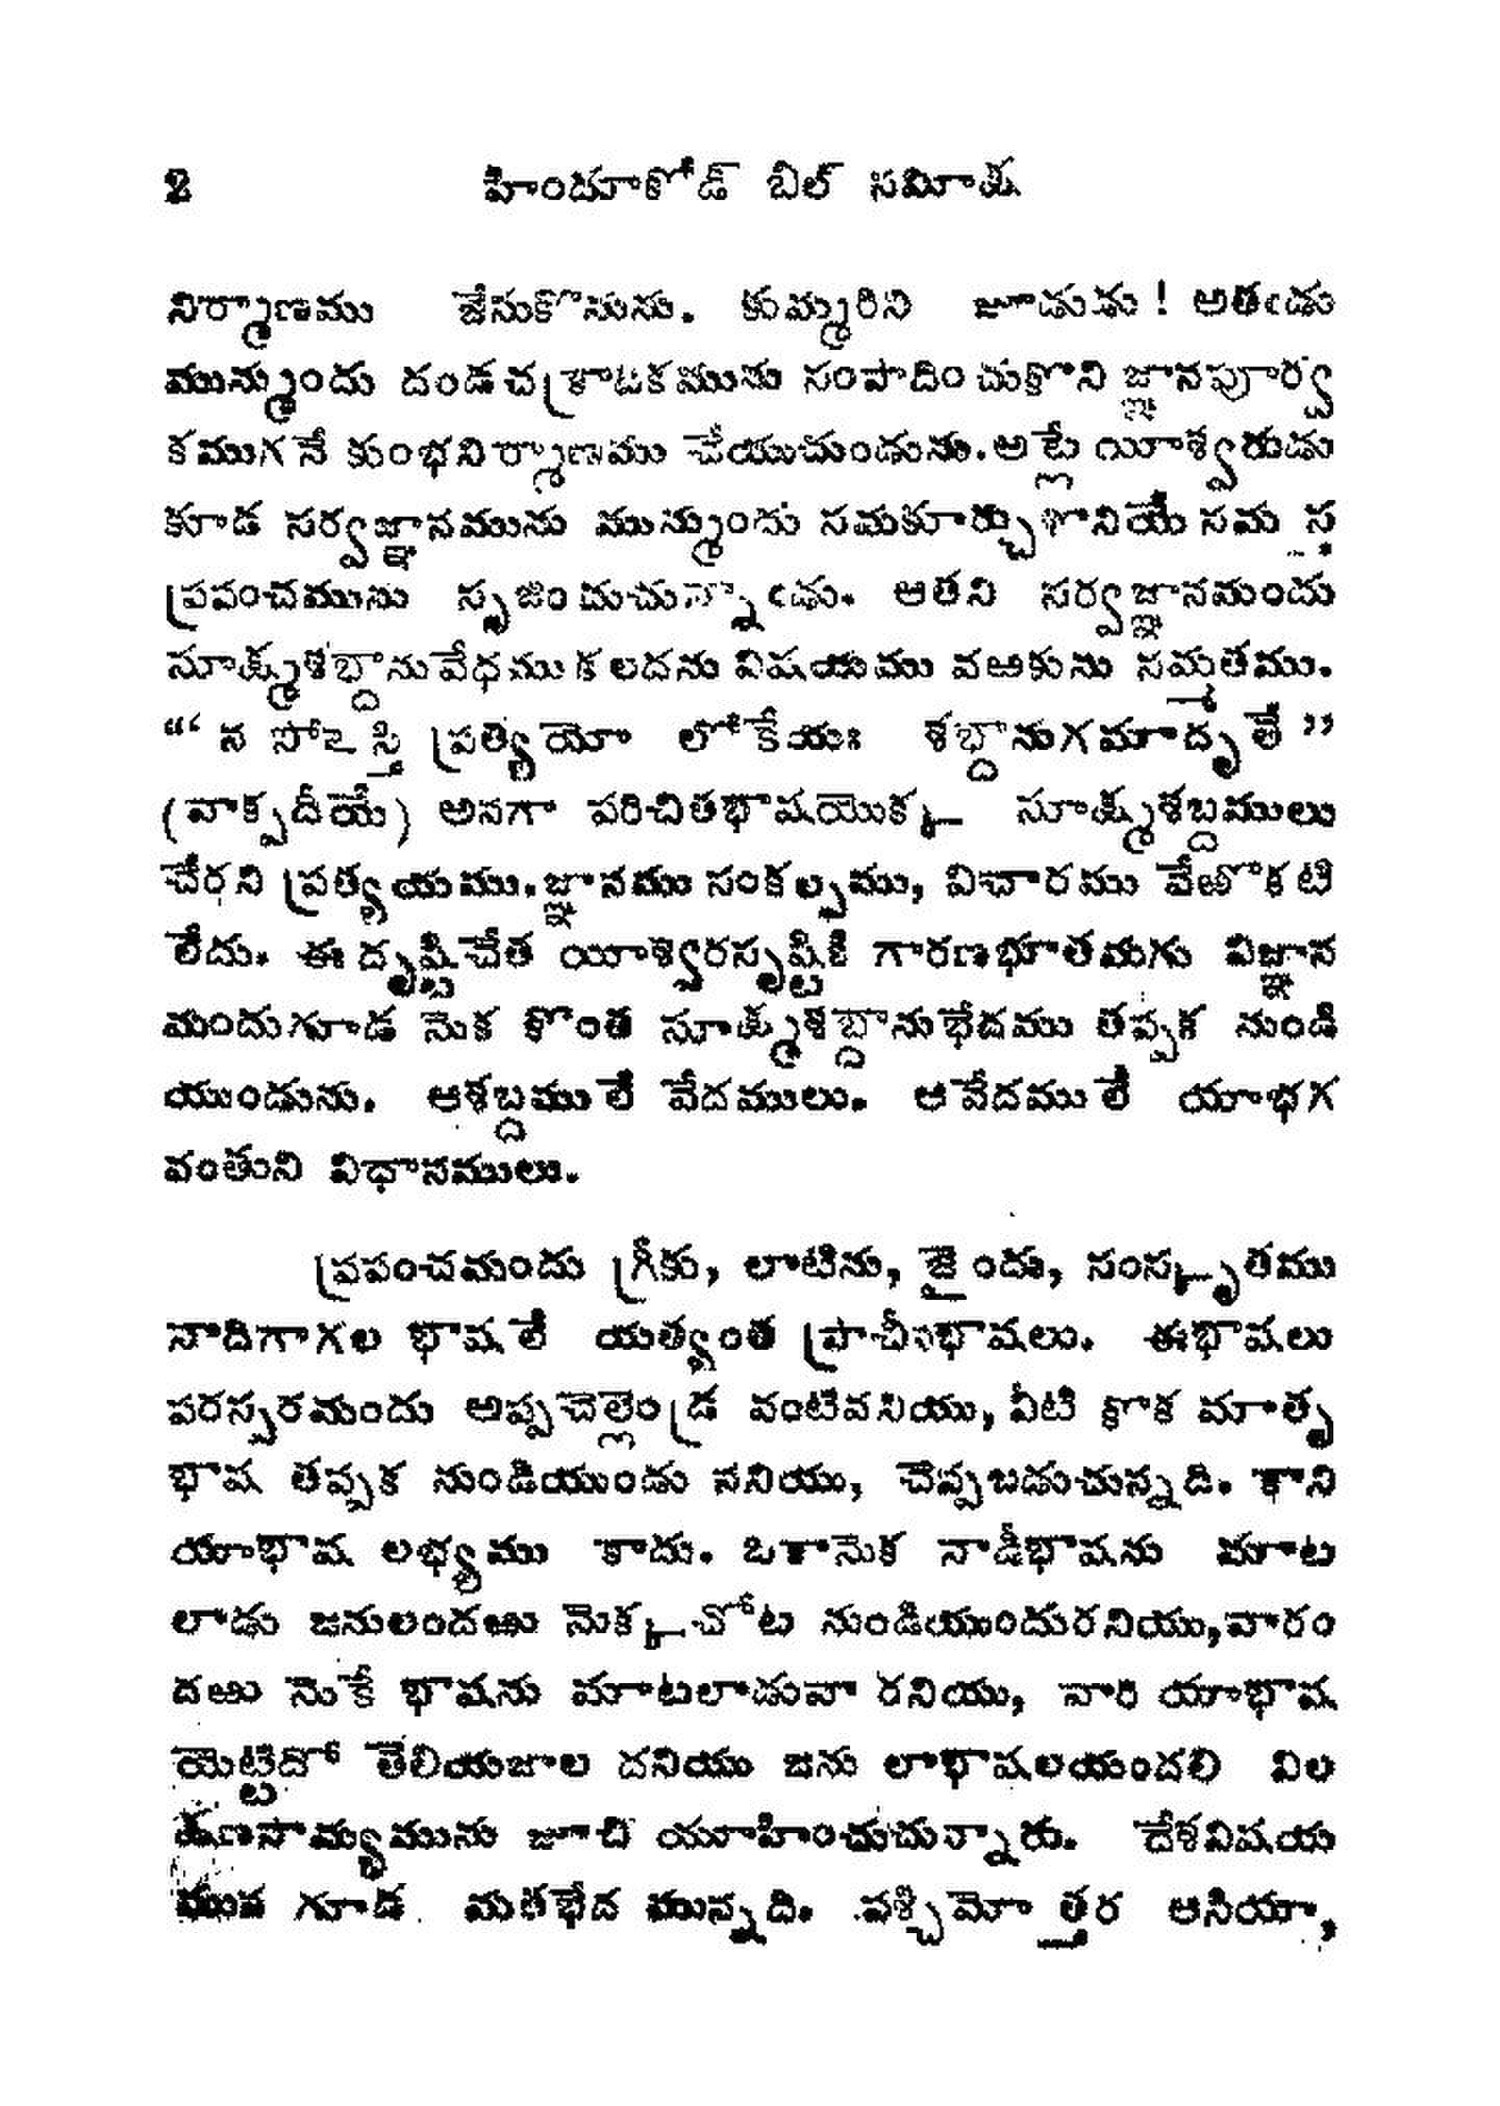నిర్మాణము జేసుకొనును. కుమ్మరిని జూడుడు! అతఁడు
మున్ముందు దండచక్రాటకమును సంపాదించుకొని జ్ఞానపూర్వ
కముగనే కుంభనిర్మాణము చేయుచుండును. అట్లే యీశ్వరుడు
కూడ సర్వజ్ఞానమును మున్ముందు సమకూర్చుకొనియే సమస్త 
ప్రపంచమును సృజించుచున్నాఁడు. అతని సర్వజ్ఞానమందు
సూక్ష్మశబ్దానువేధము కలదను విషయము వఱకును సమ్మతము.
"న సో౽స్తి ప్రత్యయో లోకేయః శబ్దానుగమాదృతే"(వాక్పదీయే) 
అనగా పరిచిత భాష యొక్క సూక్ష్మశబ్దములు చేరని ప్రత్యయము. 
జ్ఞానము సంకల్పము, విచారము వేఱొకటి లేదు. 
ఈ దృష్టిచేత యీశ్వరసృష్టికి కారణభూతమగు విజ్ఞాన
మందుగూడ ఒక కొంత సూక్ష్మశబ్దానుభేదము తప్పక నుండి
యుండును. ఆశబ్దములే వేదములు, ఆవేదములే యాభగ
వంతుని విధానములు.

ప్రపంచమందు గ్రీకు, లాటిను, జైందు, సంస్కృతము
నాదిగాగల భాషలే యత్యంత ప్రాచీనభాషలు. ఈభాషలు
పరస్పరమందు అప్పచెల్లెండ్ర వంటివనియు, వీటి కొక మాతృ
భాష తప్పక నుండియుండు ననియు, చెప్పబడుచున్నది. కాని
యాభాష లభ్యము కాదు. ఒకానొక నాడీభాషను మాటలాడు 
జనులందఱు నొక్కచోట నుండియుందురనియు, వారందఱు 
నొకే భాషను మాటలాడువా రనియు, వారి యాభాష యెట్టిదో 
తెలియజాల దనియు జను లాభాషలయందలి విలక్షణ సామ్యమును 
జూచి యూహించుచున్నారు.దేశవిషయమున గూడ 
మతభేదమున్నది. పశ్చిమోత్తరఆసియా,